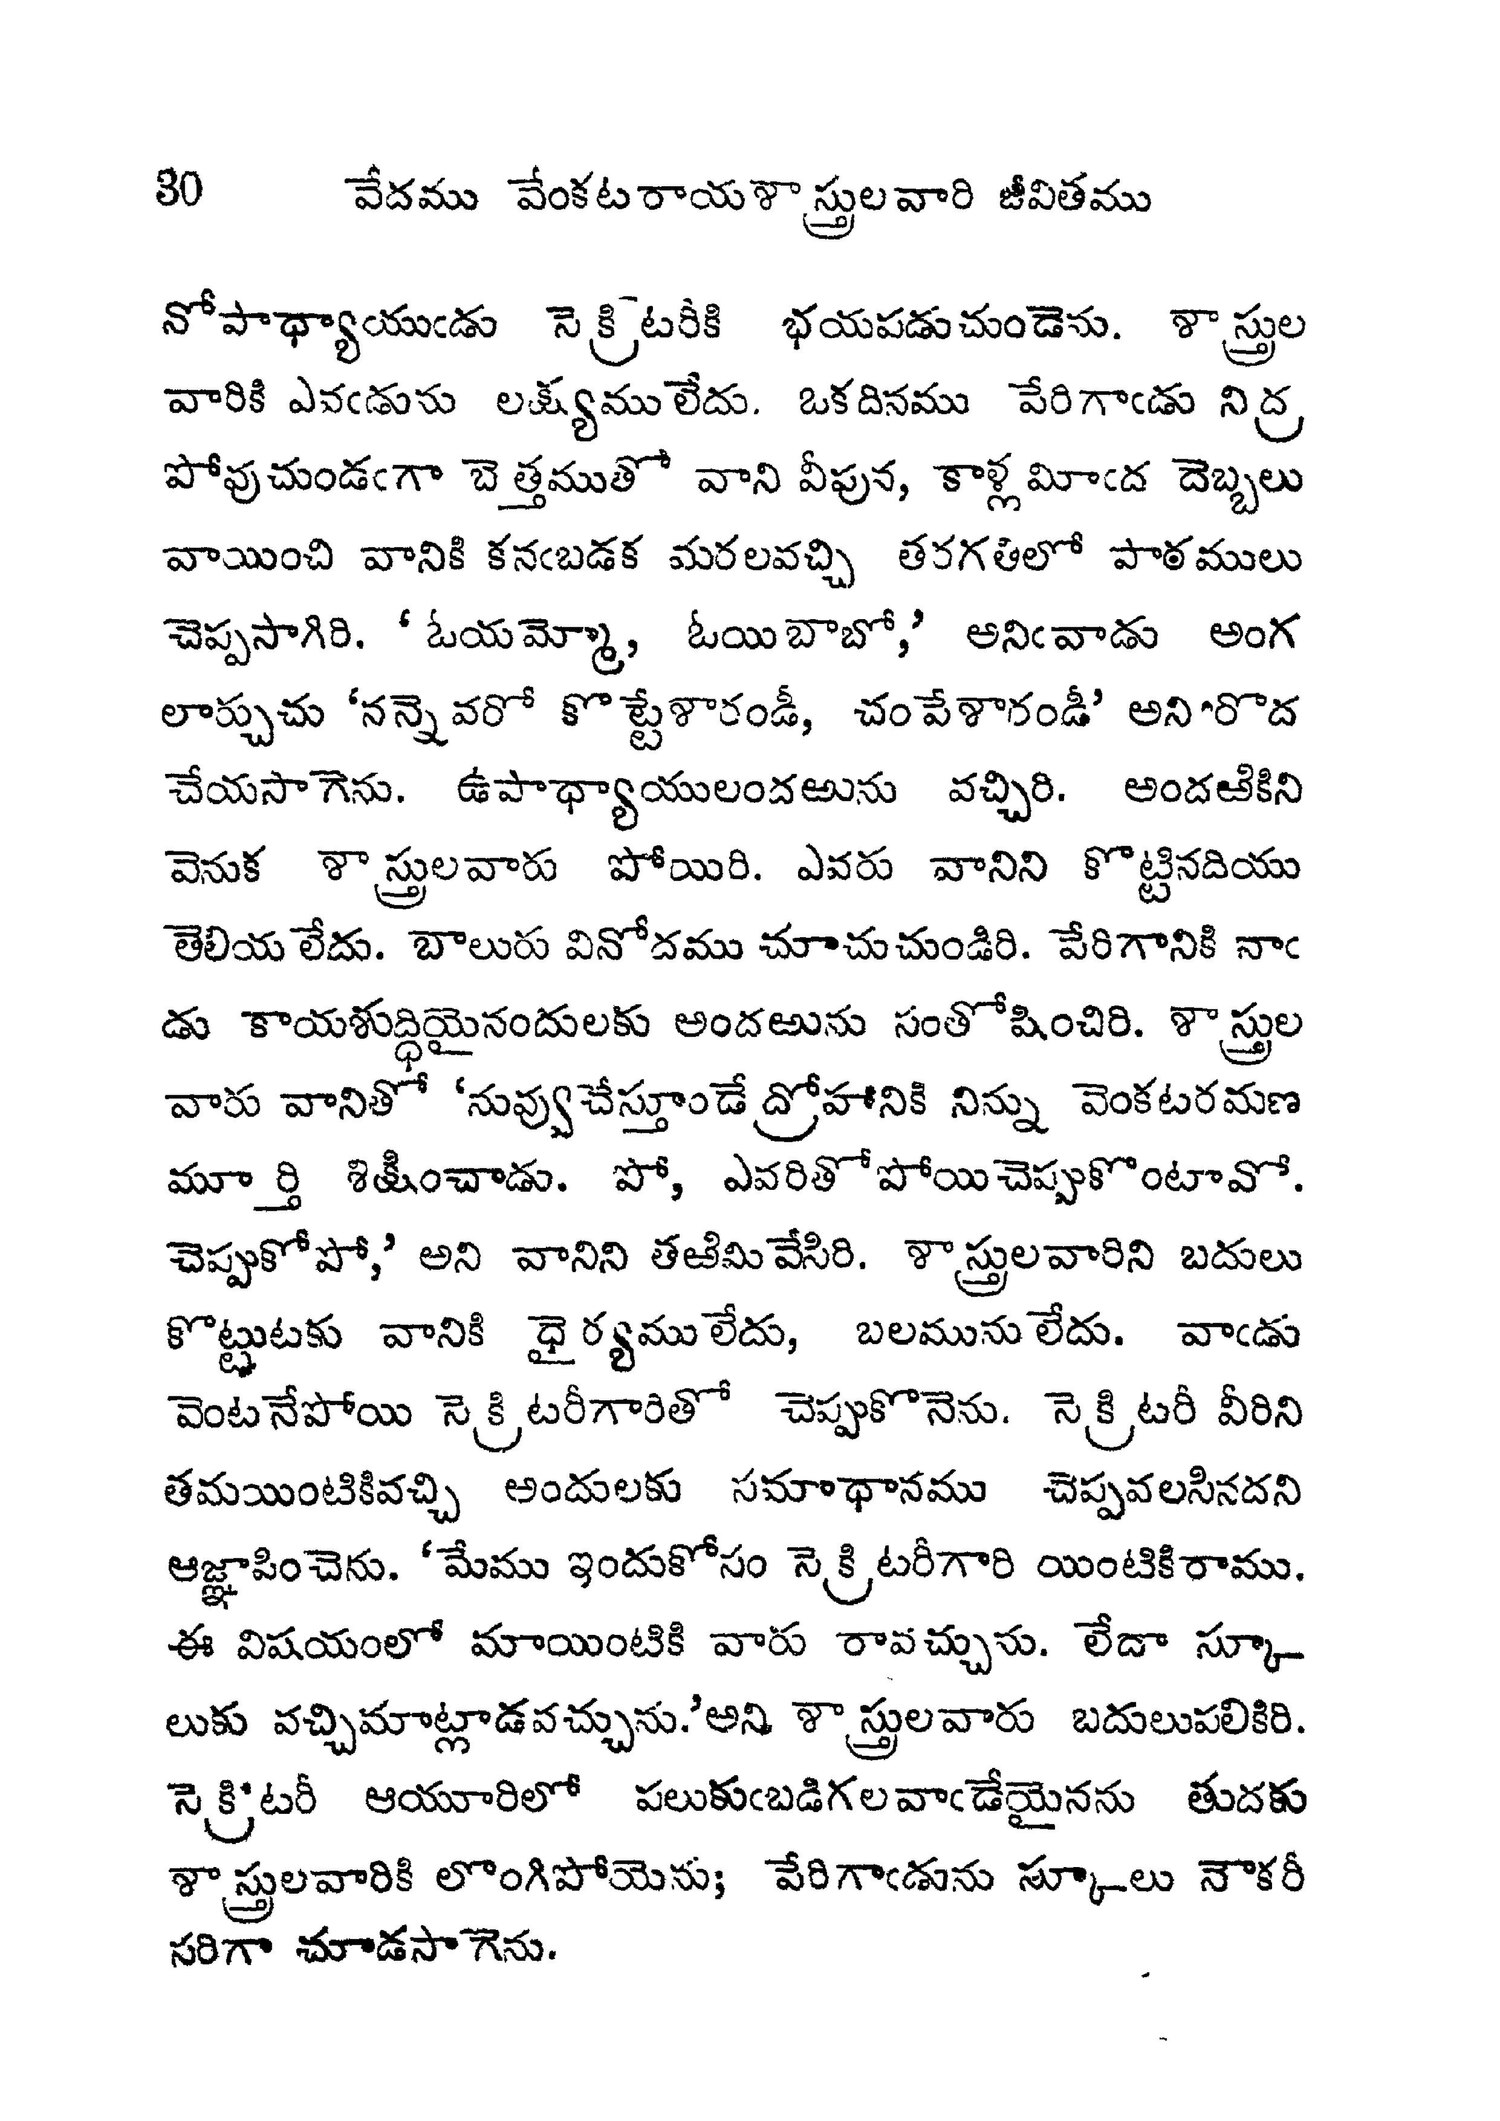నోపాథ్యాయుడు సెక్రిటరీకి భయపడుచుండెను. శాస్త్రులవారికి ఎవడును లక్ష్యములేదు. ఒకదినము పేరిగాడు నిద్రపోవుచుండగా బెత్తముతో వాని వీపున, కాళ్ల మీద దెబ్బలు వాయించి వానికి కనబడక మరలవచ్చి తరగతిలో పాఠములు చెప్పసాగిరి. 'ఓయమ్మో, ఓయిబాబో,' అనివాడు అంగలార్చుచు 'నన్నెవరో కొట్టేశారండీ, చంపేశారండీ' అని రొద చేయసాగెను. ఉపాథ్యాయులందఱును వచ్చిరి. అందఱికిని వెనుక శాస్త్రులవారు పోయిరి. ఎవరు వానిని కొట్టినదియు తెలియ లేదు. బాలురు వినోదము చూచుచుండిరి. పేరిగానికి నాడు కాయశుద్ధియైనందులకు అందఱును సంతోషించిరి. శాస్త్రులవారు వానితో 'నువ్వుచేస్తూండేద్రోహానికి నిన్ను వెంకటరమణమూర్తి శిక్షించాడు. పో, ఎవరితోపోయిచెప్పుకొంటావో చెప్పుకోపో,' అని వానిని తఱిమివేసిరి. శాస్త్రులవారిని బదులు కొట్టుటకు వానికి ధైర్యములేదు, బలమునులేదు. వాడు వెంటనేపోయి సెక్రిటరీగారితో చెప్పుకొనెను. సెక్రిటరీ వీరిని తమయింటికివచ్చి అందులకు సమాధానము చెప్పవలసినదని ఆజ్ఞాపించెను. 'మేము ఇందుకోసం సెక్రిటరీగారి యింటికిరాము. ఈ విషయంలో మాయింటికి వారు రావచ్చును. లేదా స్కూలుకు వచ్చిమాట్లాడవచ్చును.' అని శాస్త్రులవారు బదులుపలికిరి. సెక్రిటరీ ఆయూరిలో పలుకుబడిగలవాడేయైనను తుదకు శాస్త్రులవారికి లొంగిపోయెను; పేరిగాడును స్కూలు నౌకరీ సరిగా చూడసాగెను.